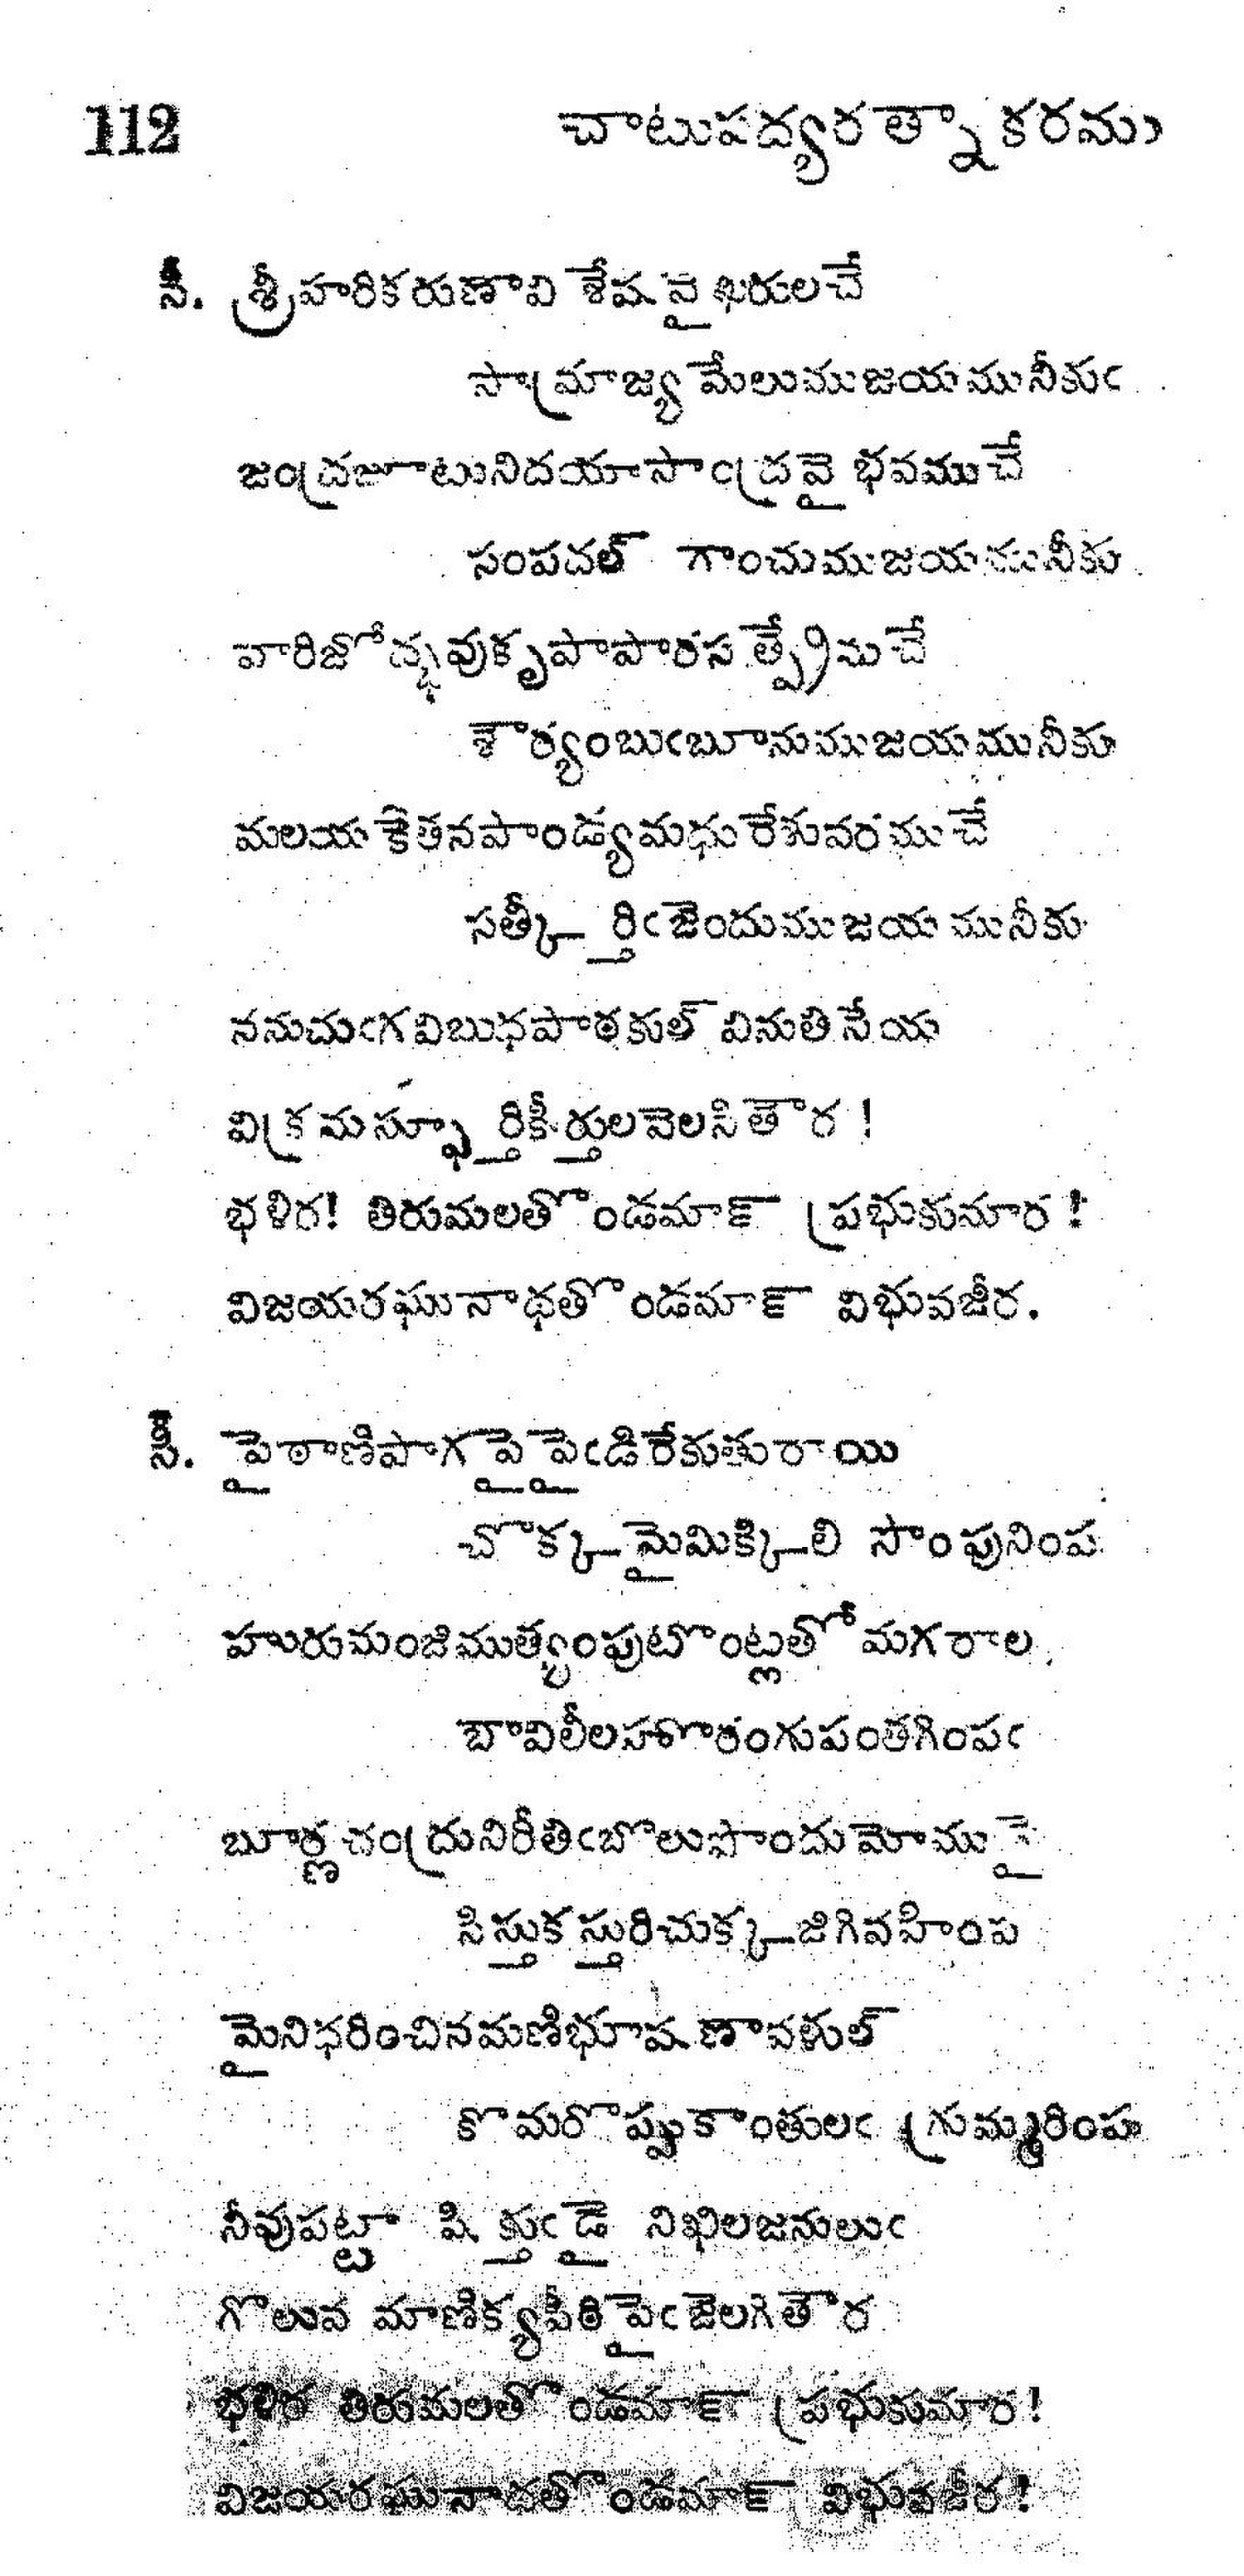సీ. శ్రీహరికరుణావిశేషవైఖరులచే
 సామ్రాజ్య మేలుము జయము నీకుఁ
 జంద్రజూటునిదయాసాంద్రవైభవముచే
 సంపదల్ గాంచుము జయము నీకు
 వారిజోద్భవుకృపాపారసత్ప్రేమచే
 శౌర్యంబుఁ బూనుము జయము నీకు
 మలయకేతనపాండ్యమధురేశువరముచే
 సత్కీర్తిఁ జెందుము జయము నీకు
 ననుచుఁ గవిబుధపాఠకుల్ వినుతి సేయ
 విక్రమస్ఫూర్తికీర్తుల వెలసి తౌర!
 భళిర! తిరుతొండమాన్ ప్రభుకుమార!
 విజయరఘునాథ! తొండమాన్ విభువజీర.

సీ. పైఠాణిపాగపై పైఁడిరేకుతురాయి
 చొక్కమై మిక్కిలిసొంపు నింప
 హురుమంజిముత్యంపుటొంట్లతో మగరాల
 బావిలీలహొరంగు పంతగింపఁ
 బూర్ణచంద్రునిరీతిఁ బొలుపొందుమోముపై
 సిస్తుకస్తురిచుక్క జిగి వహింప
 మైని ధరించిన మణిభూషణావళుల్
 కొమరొప్పుకాంతులఁ గ్రుమ్మరింప
 నీవు పట్టాభిషిక్తుఁడై నిఖిలజనులు
 గొలువ మాణిక్యపీఠిపైఁ జెలగితౌర
 భళిర! తిరుతొండమాన్ ప్రభుకుమార!
 విజయరఘునాథ! తొండమాన్ విభువజీర.